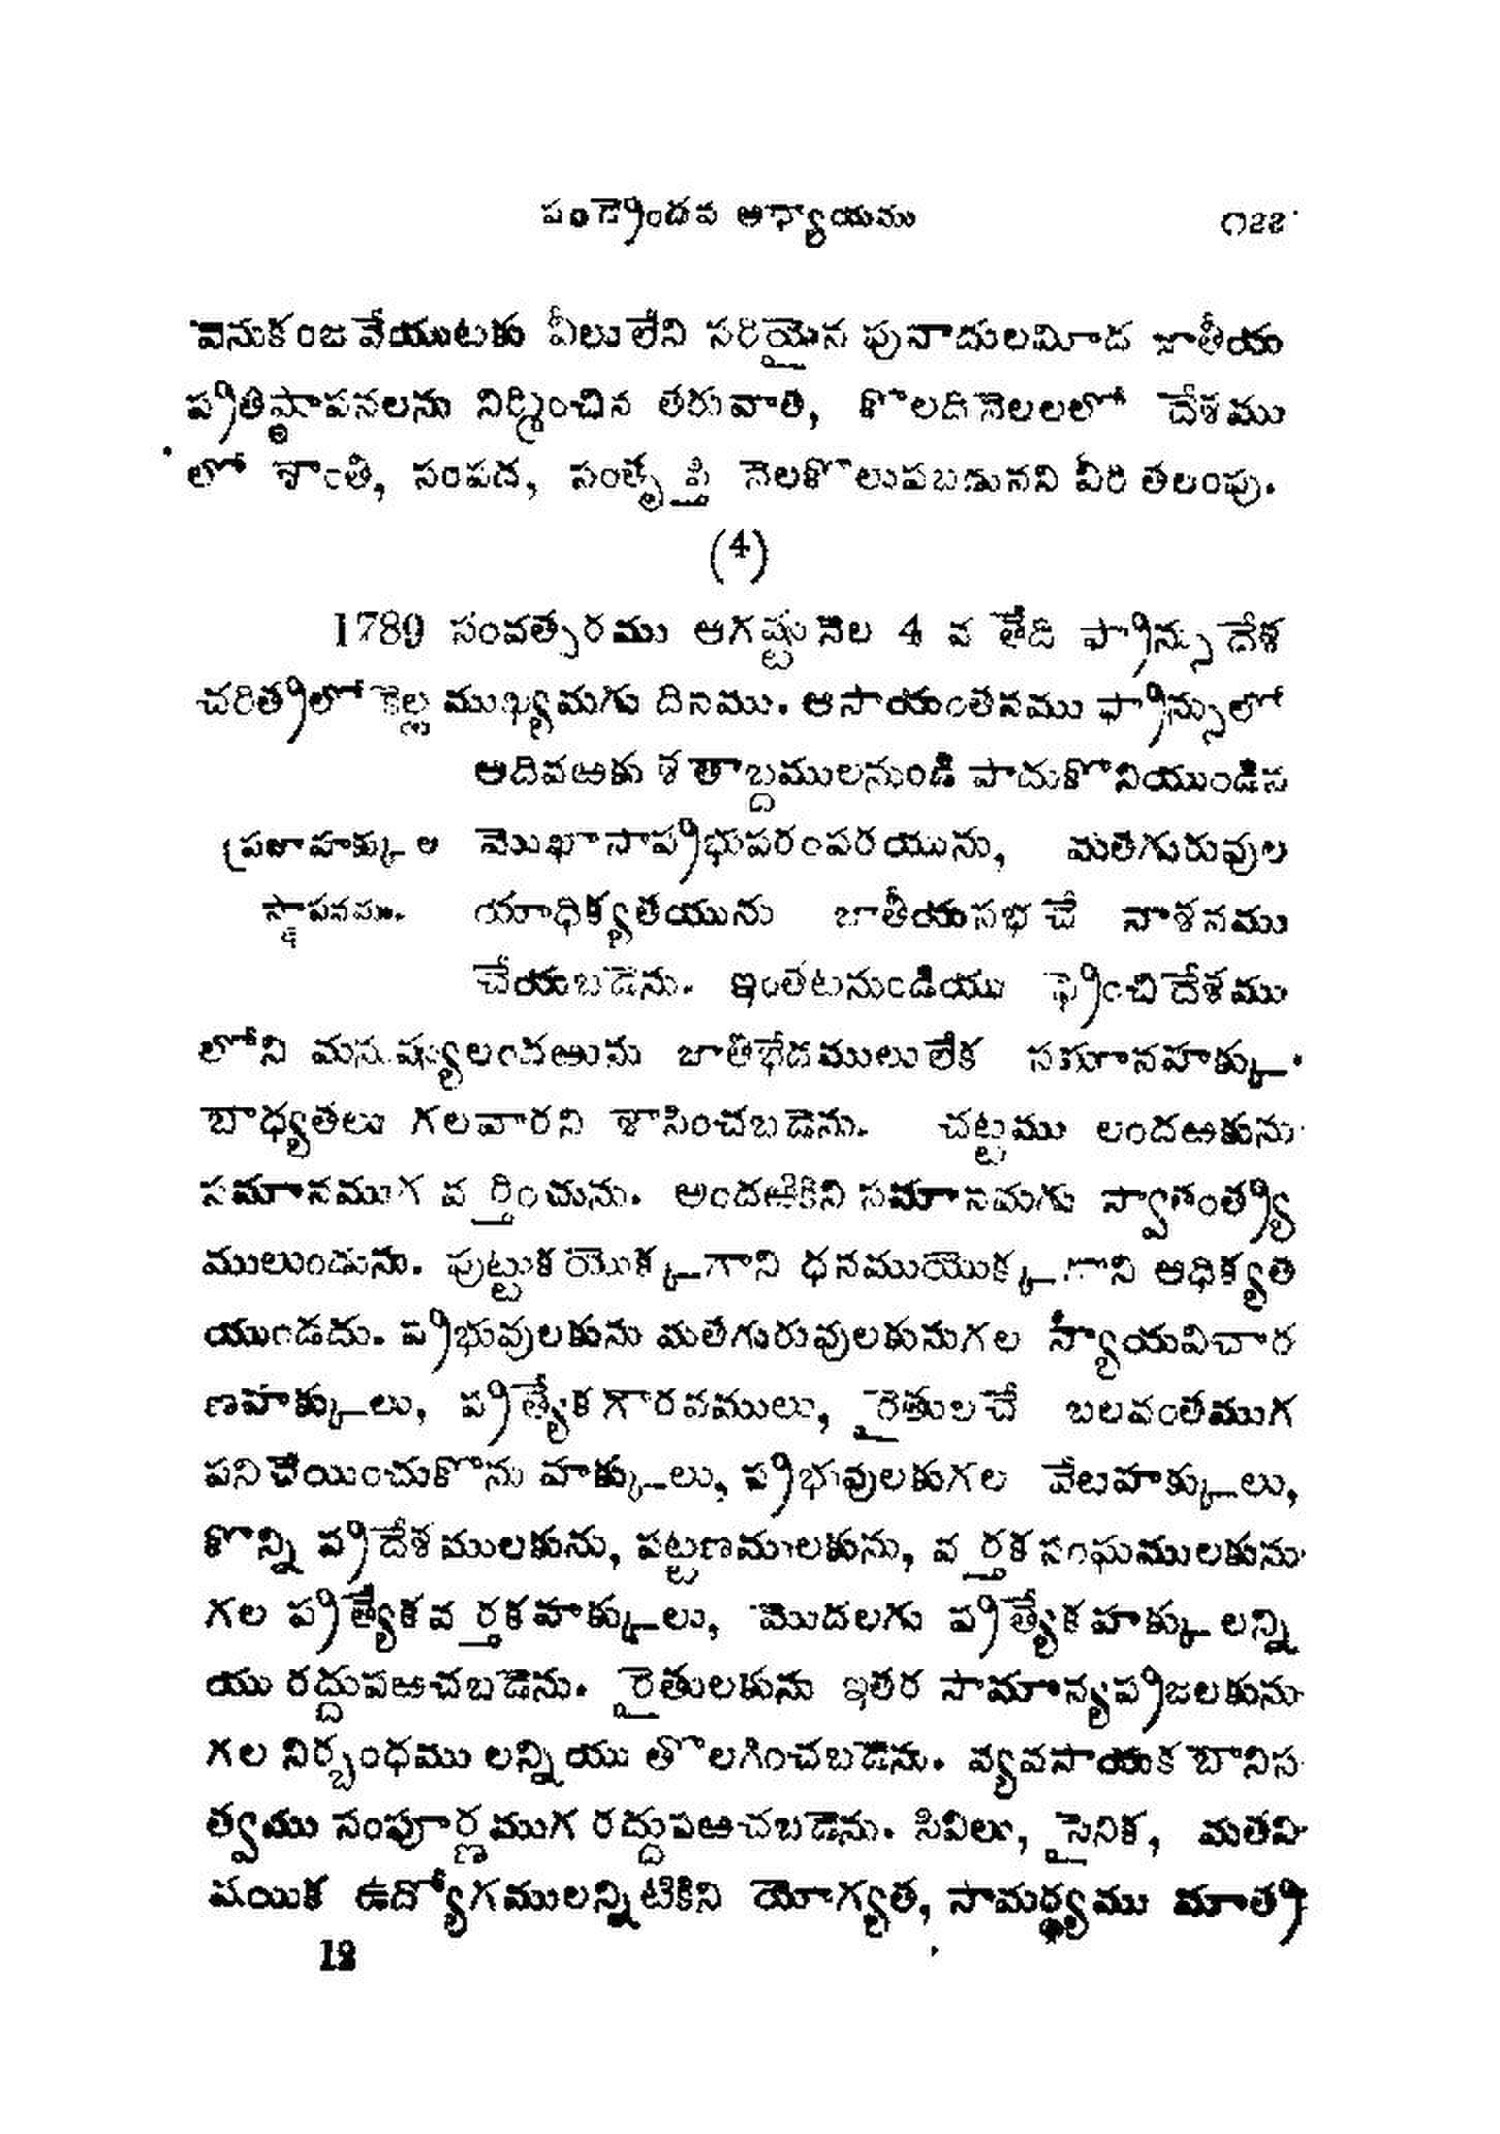వెనుకంజ వేయుటకు వీలు లేని సరియైన పునాదుల మీద జాతీయ
ప్రతిష్టాపనలను నిర్మించిన తరువాత, కొలది నెలలలో దేశము
లో శాంతి, సంపద, సంతృప్తి నెలకొలుపబడునని వీరి తలంపు .

ప్రజాహక్కు ల
స్థాపనము,
1789 సంవత్సరము ఆగష్టు నెల 4 వ తేదీ ఫ్రాన్సు దేశ
చరిత్రలో కెల్ల ముఖ్యమగు దినము. ఆ సాయంతనము ఫ్యాన్సులో
అదివఱకు శతాబ్దములనుండి పాదుకొనియుండిన
మొఖాసాప్రభుపరంపరయును, మతగురువుల
యాధిక్యతయును జాతీయసభచే నాశనము
చేయబడెను. ఇంతట నుండియు ఫ్రెంచి దేశము
లోని మనుష్యులందరును జాతి భేదములు లేక సమానహక్కు'
బాధ్యతలు గలవారని శాసించబడెను.చట్టము లందుకును.
సమానముగ వర్తించును. అందఱకిని సమానమగు స్వాసంత్య
ములుండును. పుట్టుక యొక్క గాని ధనము యొక్క గాని ఆధిక్యత
యుండదు. ప్రభువులకును మతగురువులకుసుగల స్యాయవిచార
ణహక్కులు, ప్రత్యేక గౌరవములు, రైతులచే బలవంతముగ
పనిచేయించుకొను హక్కులు, ప్రభువులకు గల వేల హక్కులు,
కొన్ని ప్రదేశములకును, పట్టణములకును, వర్తక సంఘములకును
గల ప్రత్యేక వర్తకహక్కులు, "మొదలగు ప్రత్యేకహక్కు లన్ని
యు రద్దుపజచ బడెను. రైతులకును ఇతర సామాన్య ప్రజలకును
గల నిర్బంధము లన్నియు తొలగించ బడెను. వ్యవసాయక బానిస
త్వము సంపూర్ణముగ రద్దుపఱచ బడెను. సివిలు, సైనిక, మతవి
షయిక ఉద్యోగములన్నిటికిని యోగ్యత, సామర్థ్యము మాత్ర